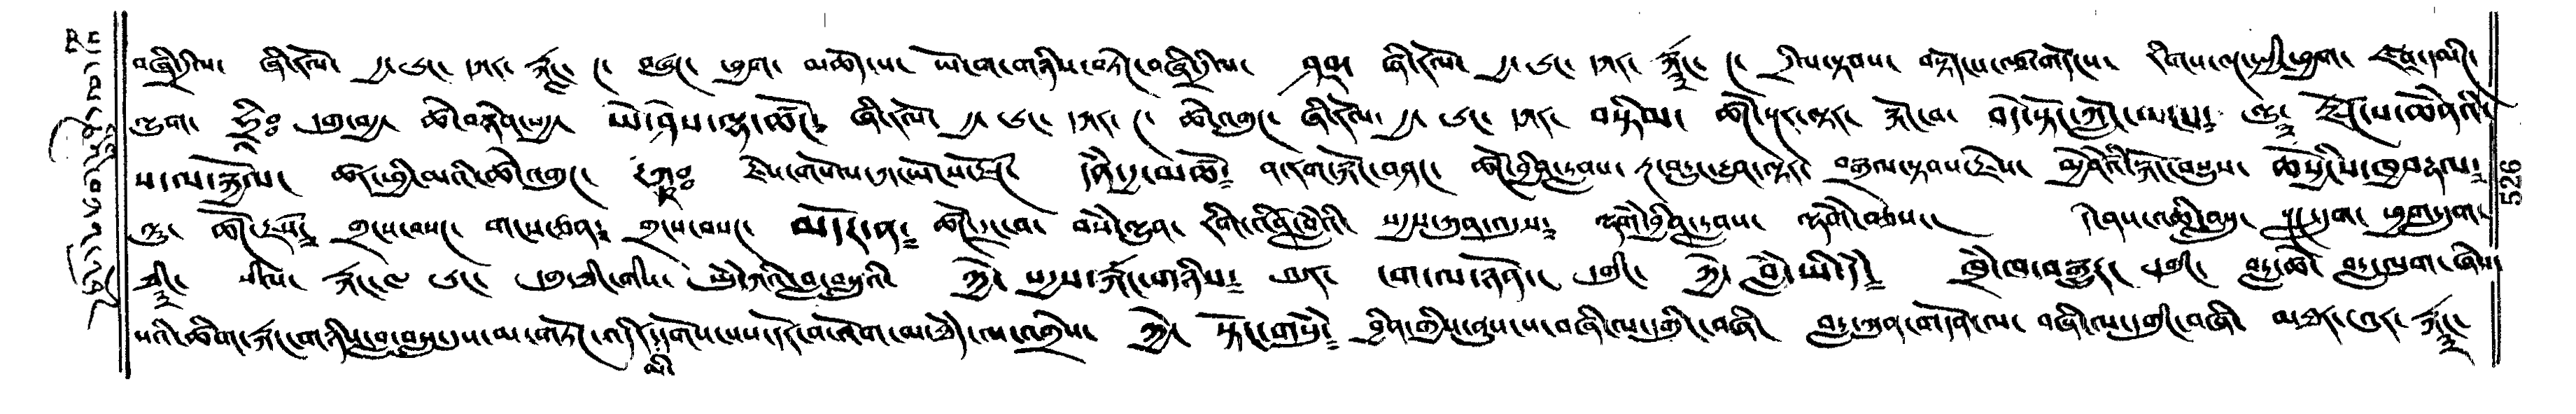བཞི་དྲིལ། ཞི་རོལ། རྒྱ། དུང་། དཀར། རྐང་བཞི། ཌཱ། བཞུགས། ཕྱག མཆོད་པ། ཡོ་ག་གཉིས་བཏེགས་བཞི་དྲིལ། ཤབྡ༴ ཞི་རོལ། རྒྱ། དུང་དཀར། རྐང་བཞི། ཌཱ། དྲིལ་སྟབས། བསྟོད་པ་རྩ་གདངས། རིགས་ལྔ་སྤྱི་ཕྱག ཛཔྲ་དམིགས་
ལྷུག ཧྲཱིཿ དགུ་བརྒྱ། ཚེ་བསྙེན་བརྒྱ། ཡེ་ཤེས་ལྷ་ཚོགས༴ ཞི་རོལ། རྒྱ། དུང་། དཀར། ཌཱ། ཚེ་འགུགས། ཞི་རོལ། རྒྱ། དུང་། དཀར། བསྟིམཿ ཚོགས་སྔར་ལྟར། སྐོང་བ། བདེ་སྟོང་ཀློང་ཡངས༴ལྟ་བུ། རྫོགས་པ་ཆེན་པོའི་
ས་ལ་སྐྱོལཿ ཚར་ཕྱི་མའི་ཚེ་འགུགས། རཀྵཿ རྗེས་གསོལ་ཀ་ཡོངས་རྫོགས། དམ་ཅན་རྒྱ་མཚོ༴ ན་རག་སྐོང་བཤགས། ཚོགས་བྱིན་རླབས། རྔ་རྡུང་རྒྱུན་ལྟར། བསྒྲལ་བསྟབ་རྗེས། མཁྱེན་བརྩེའི་སྐོང་བསྡུས། ཆོས་དབྱིངས་ཁྱབ་རྡལ༴ 
ལྟ་བུ། ཚོགས་རྫས༴ གྲངས་བསག གངས་ཅན༴ གྲངས་བསག མདོར་ན༴ ཚོགས་དྲང་བ། བསམ་ལྷུན། རིག་འཛིན་བླ་མའི་སངས་རྒྱས་ཀུན་འདུས༴ ལྷག་མ་བྱིན་རླབས། ལྷག་མ་བཅས། དེ་ནས་འཆི་བསླུ། སྔགས་དྲུག ཕྱག་དྲུག 
ཐིང་། སིལ། རྐང་བཞི། དུང་། དགུ་ཐིང་གིས་ཡུམ་ཀའི་བླ་བསླུའི། ཀྱེཿ སངས་རྒྱས་རྐང་གཉིས༴ འདུར། ངག་ལ་ཉོནཿ དགུ་ཐིང་། ཀྱེཿ བླ་མ་ཡི་དམ༴ ཁྲོ་བོ་ཁ་བསྒྱུར། དགུ་ཐིང་། བླ་ཚེ། བླ་ལུག ཞེས་
པའི་ཚིག་རྐང་གཉིས་བླ་བསླུའི་དུས་མ་གཏོགས་འདིར་མི་དགོས་པས་དོར་བ་འོག་མ་ཐམས་ཅད་ལ་འགྲེས། ཀྱེཿ སྟོང་གསུམ༴ བྱིན་གྱི་ནུས་པ་བཞི་ལ་དགུ་ཐིང་བཞི། བླ་ཀུན་གདོན་ལ་བཞི་ལ་དགུ་ཐིང་བཞི། མཐར་འུར། རྐང་གསུམ།